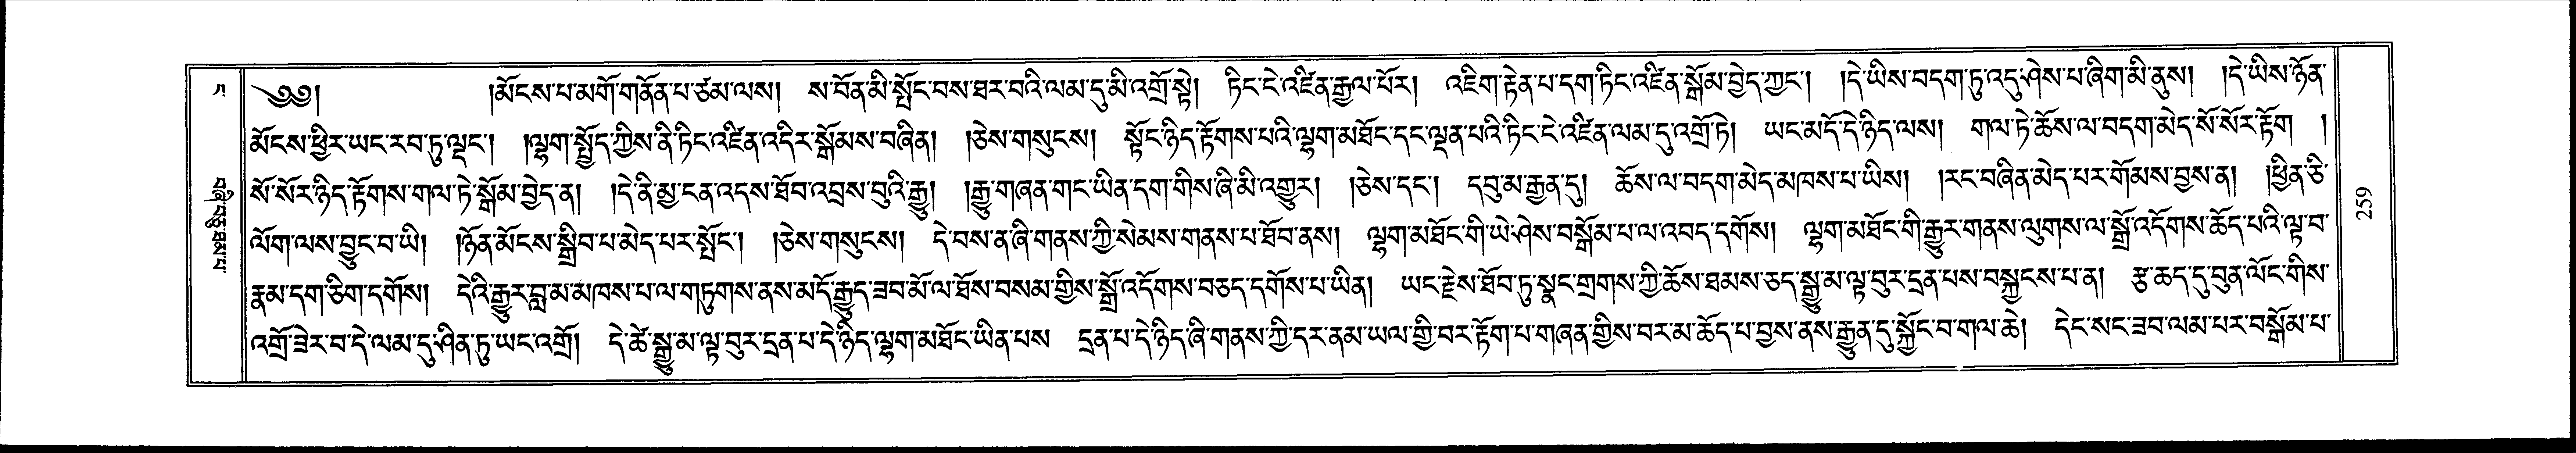༄༅། །མོངས་པ་མགོ་གནོན་པ་ཙམ་ལས། ས་བོན་མི་སྤོང་བས་ཐར་བའི་ལམ་དུ་མི་འགྲོ་སྟེ། ཏིང་ངེ་འཛིན་རྒྱལ་པོར། འཇིག་རྟེན་པ་དག་ཏིང་འཛིན་སྒོམ་བྱེད་ཀྱང་། །དེ་ཡིས་བདག་ཏུ་འདུ་ཤེས་པ་ཞིག་མི་ནུས། །དེ་ཡིས་ཉོན་
མོངས་ཕྱིར་ཡང་རབ་ཏུ་ལྡང་། །ལྷག་སྤྱོད་ཀྱིས་ནི་ཏིང་འཛིན་འདིར་སྒོམས་བཞིན། །ཅེས་གསུངས། སྟོང་ཉིད་རྟོགས་པའི་ལྷག་མཐོང་དང་ལྡན་པའི་ཏིང་ངེ་འཛིན་ལམ་དུ་འགྲོ་ཏེ། ཡང་མདོ་དེ་ཉིད་ལས། གལ་ཏེ་ཆོས་ལ་བདག་མེད་སོ་སོར་རྟོག །
སོ་སོར་ཉིད་རྟོགས་གལ་ཏེ་སྒོམ་བྱེད་ན། །དེ་ནི་མྱ་ངན་འདས་ཐོབ་འབྲས་བུའི་རྒྱུ། །རྒྱུ་གཞན་གང་ཡིན་དག་གིས་ཞི་མི་འགྱུར། །ཅེས་དང་། དབུ་མ་རྒྱན་དུ། ཆོས་ལ་བདག་མེད་མཁས་པ་ཡིས། །རང་བཞིན་མེད་པར་གོམས་བྱས་ན། །ཕྱིན་ཅི་
ལོག་ལས་བྱུང་བ་ཡི། །ཉོན་མོངས་སྒྲིབ་པ་མེད་པར་སྤོང་། །ཅེས་གསུངས། དེ་བས་ན་ཞི་གནས་ཀྱི་སེམས་གནས་པ་ཐོབ་ནས། ལྷག་མཐོང་གི་ཡེ་ཤེས་བསྒོམ་པ་ལ་འབད་དགོས། ལྷག་མཐོང་གི་རྒྱུར་གནས་ལུགས་ལ་སྒྲོ་འདོགས་ཆོད་པའི་ལྟ་བ་
རྣམ་དག་ཅིག་དགོས། དེའི་རྒྱུར་བླ་མ་མཁས་པ་ལ་གཏུགས་ནས་མདོ་རྒྱུད་ཟབ་མོ་ལ་ཐོས་བསམ་གྱིས་སྒྲོ་འདོགས་བཅད་དགོས་པ་ཡིན། ཡང་རྗེས་ཐོབ་ཏུ་སྣང་གྲགས་ཀྱི་ཆོས་ཐམས་ཅད་སྒྱུ་མ་ལྟ་བུར་དྲན་པས་བསྐྱངས་པ་ན། རྩ་ཆད་དུ་བུན་ལོང་གིས་
འགྲོ་ཟེར་བ་དེ་ལམ་དུ་ཤིན་ཏུ་ཡང་འགྲོ། དེ་ཚེ་སྒྱུ་མ་ལྟ་བུར་དྲན་པ་དེ་ཉིད་ལྷག་མཐོང་ཡིན་པས་དྲན་པ་དེ་ཉིད་ཞི་གནས་ཀྱི་དར་ནམ་ཡལ་གྱི་བར་རྟོག་པ་གཞན་གྱིས་བར་མ་ཆོད་པ་བྱས་ནས་རྒྱུན་དུ་སྐྱོང་བ་གལ་ཆེ། དེང་སང་ཟབ་ལམ་པར་བསྒོམ་པ་